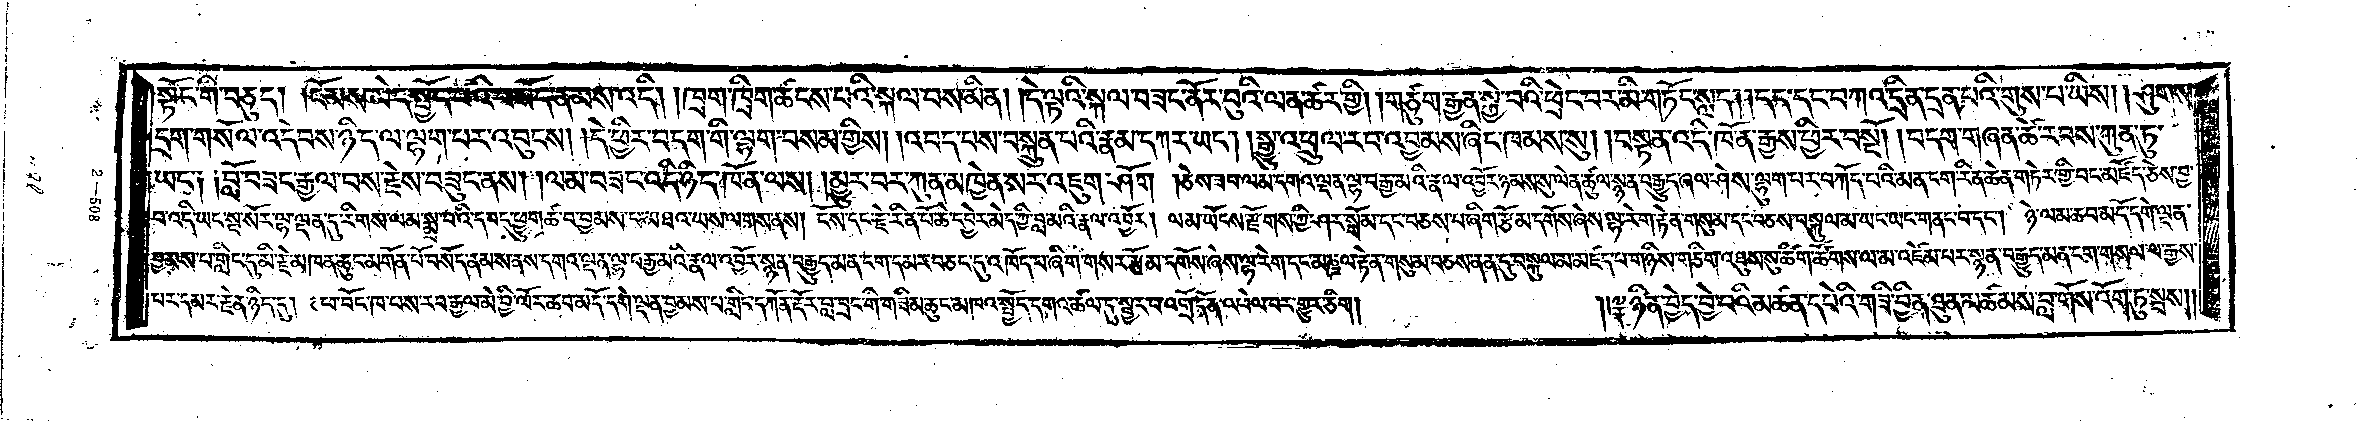སྟོང་གི་བཅུད། །ངོམས་མེད་སྤྱོད་པའི་བསོད་ནམས་འདི། །ཁྲག་ཁྲིག་ཚངས་པའི་སྐལ་བས་མིན། །དེ་ལྟའི་སྐལ་བཟང་ནོར་བུའི་ལན་ཚར་གྱི། །གཙུག་རྒྱན་སྐྱེ་བའི་ཕྲེང་པར་མི་གཏོང་སླད། །དད་དང་བཀའ་དྲིན་དྲན་པའི་གུས་པ་ཡིས། །ཤུགས་
དྲག་གསོལ་འདེབས་ཉིད་ལ་ལྷག་པར་འབུངས། །དེ་ཕྱིར་བདག་གི་ལྷག་བསམ་གྱིས། །འབད་པས་བསྐྲུན་པའི་རྣམ་དཀར་ཡང་། །སྒྱུ་འཕྲུལ་རབ་འབྱམས་ཞིང་ཁམས་སུ། །བསྟན་འདི་ཁོ་ན་རྒྱས་ཕྱིར་བསྔོ། །བདག་གཞན་ཚེ་རབས་ཀུན་ཏུ་
ཡང༑ ༑བློ་བཟང་རྒྱལ་བས་རྗེས་བཟུང་ནས། །ལམ་བཟང་འདི་ཉིད་ཁོ་ན་ལས། །མྱུར་བར་ཀུན་མཁྱེན་སར་འཇུག་ཤོག །ཅེས་ཟབ་ལམ་དགའ་ལྡན་ལྷ་བརྒྱ་མའི་རྣལ་འབྱོར་ཉམས་སུ་ལེན་ཚུལ་སྙན་བརྒྱུད་ཞལ་ཤེས་ལྷུག་པར་བཀོད་པའི་མན་ངག་རིན་ཆེན་གཏེར་གྱི་བང་མཛོད་ཅེས་བྱ་
བ་འདི་ཡང་སྔ་སོར་ལྷ་ལྡན་དུ་རིགས་ལམ་སྨྲ་བའི་དབང་ཕྱུག་ཚ་བ་བྱམས་པ་མཐའ་ཡས་ལགས་ནས། ངོས་དང་རྗེ་རིན་པོ་ཆེ་དབྱེར་མེད་ཀྱི་བླ་མའི་རྣལ་འབྱོར། ལམ་ཡོངས་རྫོགས་ཀྱི་ཤར་སྒོམ་དང་བཅས་པ་ཞིག་རྩོམ་དགོས་ཞེས་ལྷ་རེག་རྟེན་གསུམ་དང་བཅས་བསྐུལ་མ་ཡང་ཡང་གནང་བ་དང་། ཉེ་ལམ་ཆབ་མདོ་དགེ་ལྡན་
བྱམས་པ་གླིང་དུ་མི་རྗེ་མཁན་ཆུང་མགོན་པོ་བསོད་ནམས་ནས་དགའ་ལྡན་ལྷ་བརྒྱ་མའི་རྣལ་འབྱོར་སྙན་བརྒྱུད་མན་ངག་དམར་བཅང་དུ་འཁོད་པ་ཞིག་གསར་རྩོམ་དགོས་ཞེས་ལྷ་རེག་དང་མཎྜལ་རྟེན་གསུམ་བཅས་ནན་དུ་བསྐུལ་མ་མཛད་པ་གཉིས་གཅིག་འཐུས་སུ་ཚིག་ཚོགས་ལ་མ་འཛེམ་པར་སྙན་བརྒྱུད་མན་ངག་གསལ་ལ་རྒྱས་
པར་དམར་རྗེན་ཉིད་དུ། ༈ ཕ་བོང་ཁ་པས་རབ་རྒྱལ་མེ་བྱི་ལོར་ཆབ་མདོ་དགེ་ལྡན་བྱམས་པ་གླིང་དཀོན་རྡོར་བླ་བྲང་གི་གཟིམ་ཆུང་མཁའ་སྤྱོད་དགའ་ཚལ་དུ་སྦྱར་བ་འགྲོ་དོན་འཕེལ་བར་གྱུར་ཅིག ། །།༈ ཉིན་བྱེད་བྱེ་བའི་མཚན་དཔེའི་གཟི་བྱིན་ཐུན་མཚམས་བླ་གོས་འོག་ཏུ་སྦས།།